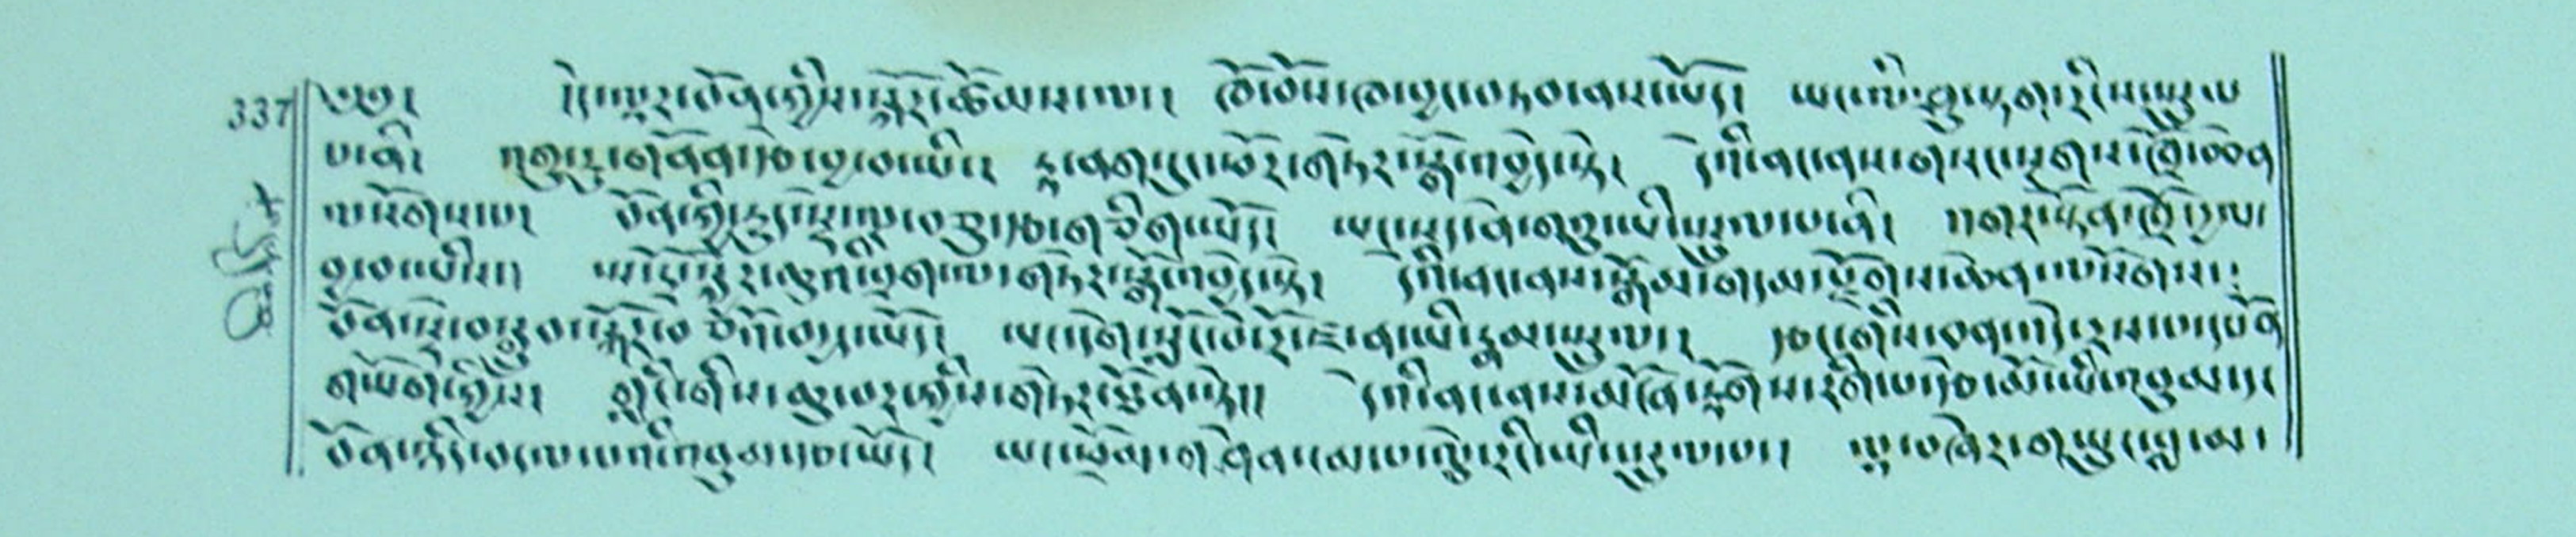༄༅། །དེ་ལྟར་བོན་གྱི་སྐོར་ཚོམས་ལ། ཁོ་བོས་ཁ་བྱང་བཏབ་ནས་ཡོད། ཡང་ལི་ཤུ་སྟག་རིང་སྤྲུལ་
པ་ནི། འགུ་རུ་རྣོན་རྩེ་བྱ་བ་ཡིས། རྟ་ནག་དུང་ཕོར་གཏེར་སྒོ་འབྱེད་དེ། དེའི་ནང་ནས་གསང་སྔགས་ཁྲོ་ཆེན་
ལས་སོགས་པ། བོན་གྱི་རྒྱུད་སྡེ་ལྔ་བཅུ་རྩ་གཅིག་ཡོད། ཡང་སད་ནེ་གའུ་ཡི་སྤྲུལ་པ་ནི། འགར་སྟོན་ཁྲོ་རྒྱལ་
བྱ་བ་ཡིས། སྤ་དྲོ་སྐྱེར་ཆུའི་བྲག་ལ་གཏེར་སྒོ་འབྱེད་དེ། དེའི་ནང་ནས་བསྒོམ་གདམས་རྫོགས་ཆེན་ལས་སོགས་
བོན་སྡེ་བསྒྲུབ་སྐོར་བཅོ་བརྒྱད་ཡོད། ཡང་དགེ་སློང་བེ་རོ་ཙ་ནའི་སྤྲུལ་པ། རྩང་གི་བན་དྷེ་རས་པ་དཔོན་
གཡོག་གིས། གླིང་གི་ཆུ་བར་གྱི་གཏེར་ཐོན་ཏེ། དེའི་ནང་ནས་མངོན་རྟོགས་རིག་པ་རྩེ་མོ་ཡི་འབུམ་དང་། 
བོན་ཉིད་བདལ་བའི་འབུམ་རྩ་ཡོད། ཡང་ཕྲོམ་གཤེན་རྔམ་པ་ལྕེ་རིང་གི་སྤྲུལ་བ། ལྷ་བཞེར་གཡུང་དྲུང་བླ་མ་